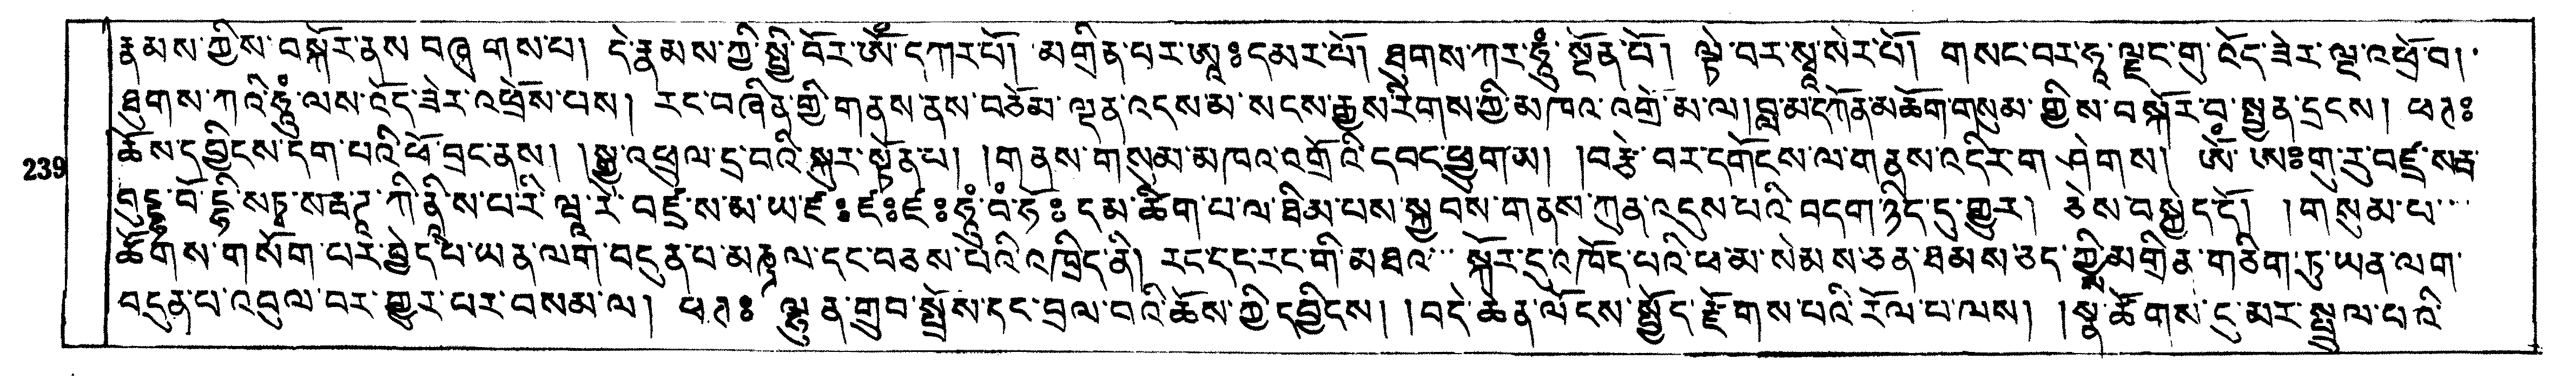རྣམས་ཀྱིས་བསྐོར་ནས་བཞུགས་པ། དེ་རྣམས་ཀྱི་སྤྱི་བོར་ཨོཾ་དཀར་པོ། མགྲིན་པར་ཨཱཿ དམར་པོ། ཐུགས་ཀར་ཧཱུཾ་སྔོན་པོ། ལྟེ་བར་སྭཱ་སེར་པོ། གསང་བར་ཧཱ་ལྗང་གུ་འོད་ཟེར་ལྔ་འཕྲོ་བ།
ཐུགས་ཀའི་ཧཱུཾ་ལས་འོད་ཟེར་འཕྲོས་པས། རང་བཞིན་གྱི་གནས་ནས་བཅོམ་ལྡན་འདས་མ་སངས་རྒྱས་རིགས་ཀྱི་མཁའ་འགྲོ་མ་ལ། བླ་མ་དཀོན་མཆོག་གསུམ་གྱིས་བསྐོར་བ་སྤྱན་དྲངས། ཕཊཿ
ཆོས་དབྱིངས་དག་པའི་ཕོ་བྲང་ནས། །སྒྱུ་འཕྲུལ་དྲ་བའི་སྐུར་སྟོན་པ། །གནས་གསུམ་མཁའ་འགྲོའི་དབང་ཕྱུག་མ། །བརྩེ་བར་དགོངས་ལ་གནས་འདིར་གཤེགས། ཨོཾ་ཨཿ གུ་རུ་བཛྲ་སརྦ་
བུདྡྷ་བོ་དྷི་སཏྭ་སརྦ་ཌཱ་ཀི་ནཱི་ས་པ་རི་ཝཱ་ར་བཛྲ་ས་མ་ཡ་ཛཿ ཛཿ ཛཿ ཧཱུཾ་བཾ་ཧོཿ དམ་ཚིག་པ་ལ་ཐིམ་པས་སྐྱབས་གནས་ཀུན་འདུས་པའི་བདག་ཉིད་དུ་གྱུར། ཅེས་བསྐྱེད་དོ། །གསུམ་པ་
ཚོགས་གསོག་པར་བྱེད་པ་ཡན་ལག་བདུན་པ་མཎྜལ་དང་བཅས་པའི་འཁྲིད་ནི། རང་དང་རང་གི་མཐའ་སྐོར་དུ་འཁོད་པའི་ཕ་མ་སེམས་ཅན་ཐམས་ཅད་ཀྱིས་མགྲིན་གཅིག་ཏུ་ཡན་ལག་
བདུན་པ་འབུལ་བར་གྱུར་པར་བསམ་ལ། ཕཊཿ ལྷུན་གྲུབ་སྤྲོས་དང་བྲལ་བའི་ཆོས་ཀྱི་དབྱིངས། །བདེ་ཆེན་ལོངས་སྤྱོད་རྫོགས་པའི་རོལ་པ་ལས། །སྣ་ཚོགས་དུ་མར་སྤྲུལ་པའི་